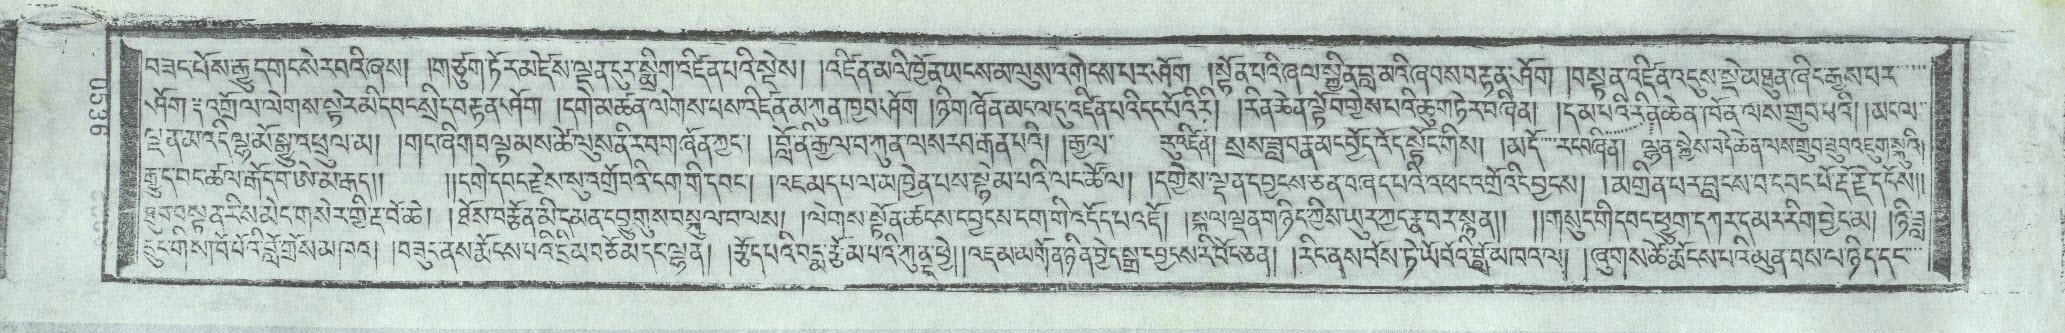བཟང་པོས་རྒྱུད་གང་སེར་བའི་ཞས། །གཙུག་ཏོར་མཛེས་ལྡན་དུར་སྨྲིག་འཛིན་པའི་སྡེ་ས། །འཛིན་མའི་ཁྱོན་ཡངས་མ་ལུས་འགེངས་པར་ཤོག །སྟོན་པའི་ཞལ་སྐྱིན་བླ་མའི་ཞབས་བརྟན་ཤོག །བསྟན་འཛིན་འདུས་སྡེ་མཐུན་ཞིང་རྒྱས་པར་
ཤོག ༑འགྲོལ་ལེགས་སྟེར་མི་དབང་སྲིད་བརྟན་ཤོག །དགེ་མཚན་ལེགས་པས་འཛིན་མ་ཀུན་ཁྱབ་ཤོག །ཉི་གཞོན་མང་ལ་དུ་འཛིན་པའི་དང་པོའི་རི། །རིན་ཆེན་ལྟོབ་གྱེས་པའི་ཆུ་གཏེར་བཞིན། །དམ་པའི་རིན་ཆེན་ཁོ་ན་ལས་གྲུབ་པའི། །མངལ་
ལྡན་མ་འདི་ལྷ་མོ་སྒྱུ་འཕྲུལ་མ། །གང་ཞིག་བལྟ་མས་ཚེ་ལུས་ནི་རབ་གཞོན་ཀྱང་། །བློ་ནི་རྒྱལ་བ་ཀུན་ལས་རབ་རྒན་པའི། །རྒྱལ་རུ་འཛིན། སྲས་ཟླ་བ་རྣམ་དབྱོད་འོད་སྟོང་གིས། །མདོ་རང་བཞིན། ལྷན་སྐྱེས་བདེ་ཆེན་ལས་གྲུབ་ཟུབ་འཇུག་སྐུའི།
རྒྱུ་དབང་ཚལ་རྒོད་པ་ཨེ་མ་རྒད།། །།དགེ་དབང་རྗེས་སུ་འགྲོ་བའི་ངག་གི་དབང་། །འཇམ་དཔལ་མཁྱེན་པས་སྙེ་མ་པའི་ལང་ཚོལ། །དགྱེས་ལྡན་དབྱངས་ཅན་བཞད་པའི་འཕང་འགྲོའི་དབྱངས། །མགྲིན་པར་བླངས་བ་དབང་པོ་རྡོ་རྗེ་དངོས།།
ཐུབ་བསྟན་རི་ས་མེད་གསེར་གྱི་རྡ་བོ་ཆེ། །ཐོས་བརྩོན་མི་དམན་དབྱུ་གུས་བསྐུལ་བ་ལས། །ལེགས་སྟོན་ཚངས་དབྱངས་ངག་གི་འདོད་པ་འཇོ། །སྐལ་ལྡན་གཉིད་ཀྱིས་ཡུར་ཀྱང་རྣ་བར་སྙན།། །།གསུང་གི་དབང་ཕྱུག་དཀར་དམར་རིག་བྱེད་མ། །ཉི་ཟླ་
དྲུང་གིས་ཁོ་བོའི་བློ་གྲོས་མཁའ། །བཟུང་ནས་རྨོངས་པའི་དྲི་མ་བཅོམ་དང་ལྷན། །རྩོད་པའི་པདམ་རྩོམ་པའི་ཀུ་ནྡ་ཕྱེ། །འཇམ་མགོན་ཉིན་བྱེད་སྒྲ་དབྱངས་རི་བོང་ཅན། །རིང་ནས་ཕོས་ཏེ་ཡོ་བོའི་བློ་མཁའ་ལ། །ཞུགས་ཚེ་རྨོངས་པའི་མུན་བས་ལ་ཉིད་དང་